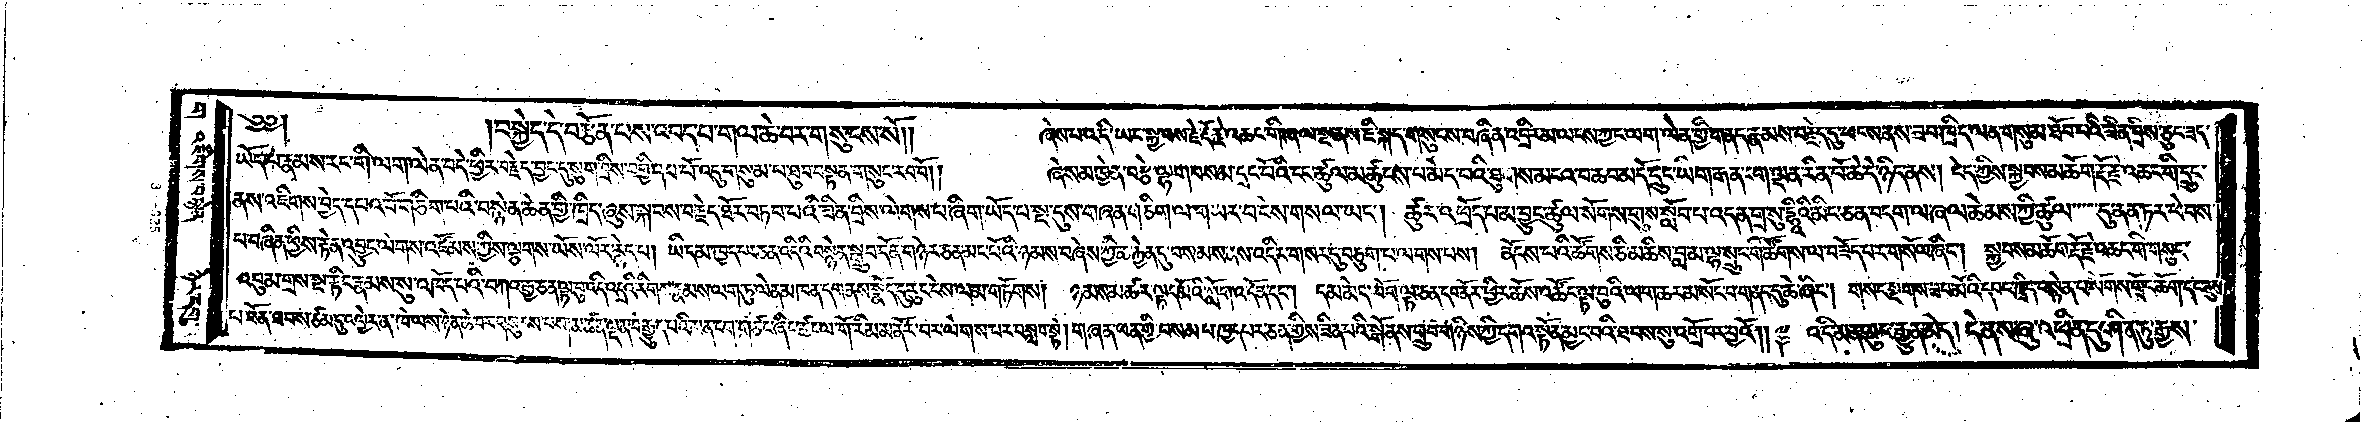༄༅། །བསྐྱེད་དེ་བརྩོན་པས་འབད་པ་གལ་ཆེ་བར་གསུངས་སོ།། ཞེས་པ་འདི་ཡང་སྐྱབས་རྗེ་རྡོ་རྗེ་འཆང་གི་ཞལ་སྔ་ནས་ཇི་སྐད་གསུངས་བཞིན་འབྲིར་མ་ལངས་ཀྱང་ལག་ལེན་གྱི་གནད་རྣམས་བརྗེད་དུ་ཕངས་ནས་ཟབ་ཁྲིད་ལན་གསུམ་ཐོབ་པའི་ཟིན་བྲིས་ཅུང་ཟད་
ཡོད་པ་རྣམས་རང་གི་ལག་ལེན་བདེ་ཕྱིར་བརྗེད་བྱང་དུ་སུག་བྲིས་བྲིས་བགྱེད་པ་པོ་འདུ་གསུམ་པ་ཐུབ་བསྟན་གསུངས་རབ་བོ།། ཞེས་མཁྱེན་བརྩེ་ལྷག་བསམ་དྲང་པོའི་ངང་ཚུལ་མཚུངས་པ་མེད་པའི་ཐུགས་མངའ་བ་ཆབ་མདོ་དྲུང་ཡིག་རྒན་ངག་ལྡན་རིན་པོ་ཆེ་དེ་ཉིད་ནས། ངེད་ཀྱིས་སྐྱབས་མཆོག་རྡོ་རྗེ་འཆྣག་གི་དྲུང་
ནས་འཇིགས་བྱེད་དབའ་བོ་གཅིག་པའི་བསྙེན་ཆེན་གྱི་ཁྲིད་ཞུས་སྐབས་བརྗེད་ཐོར་བཏབ་པའི་ཟིན་བྲིས་ལེགས་པ་ཞིག་ཡོད་པ་སྔ་དུས་གཞན་གཅིག་ལ་གཡར་བ་ངེས་གསལ་ཡང་། ཚུར་འཕྲོད་པ་མ་བྱུང་ཚུལ་སོགས་གུས་སློབ་པ་འདན་གྲ་སུ་དྷཱིའི་མིང་ཅན་བདག་ལ་ཞལ་ཆེམས་ཀྱི་ཚུལ་དུ་ནན་ཏར་ཕེབས་
པ་བཞིན་ཕྱིས་རྟེན་འབྱུང་ལེགས་འཛོམས་ཀྱིས་ལྕགས་ཡོས་ལོར་རྙེད་པ། ཡི་དམ་ཁྱད་པར་ཅན་འདིའི་བསྙེན་སྒྲུབ་དོན་གཉེར་ཅན་མང་པོའི་ཉམས་བཞེས་ཀྱི་ཆ་རྐྱེན་དུ་བསམས་ནས་འདིར་གསར་དུ་བཅུག་པ་ལགས་པས། ནོངས་པའི་ཚོགས་ཅི་མཆིས་བླ་མ་ལྷ་སྲུང་གི་ཚོགས་ལ་བཟོད་པར་གསོལ་ཞིང་། སྐྱབས་མཆོག་རྡོ་རྗེ་འཆང་གི་གསུངས་
འབུམ་གྲས་སྔ་རྟིང་རྣམས་སུ་འཁོད་པའི་བཀའ་རྒྱ་ཅན་ལྟ་བུ་འདི་འདྲའི་རིགས་རྣམས་ལག་ཏུ་ལེན་མཁན་དག་ནས་སྣོད་དུ་རུང་ངེས་ལམ་གཏོགས། ཉམས་མཚར་ལྟད་མོའི་ཀློག་འདོན་དང་། དམ་མེད་ཐོག་ལྟ་ཅན་དབ་ནོར་ཕྱིར་ཆོས་འཚོང་ལྟ་བུའི་ལག་ཆར་མ་སོང་པ་གནད་དུ་ཆེ་ཞིང་། གསང་སྔགས་ཟབ་མོའི་དབང་ཁྲིད་བསྙེན་པ་སོགས་གྲོང་ཆོག་དང་ནུས་
པ་ཐོན་ཐབས་ཙམ་དུ་འཕྱེར་ན་ཁེ་ཡས་ཉེན་ཆེ་བར་གསུངས་པས། མཚན་ལྡན་བརྒྱུད་པའི་མན་ནག་གཙང་ཞིབ་ཚད་ལ་གོ་རིམ་མ་ནོར་བར་ལེགས་པར་བསླབ་སྟེ། གཞན་ཕན་གྱི་བསམ་པ་ཁྱད་པར་ཅན་གྱིས་ཟིན་པའི་སྒོ་ནས་གྲུབ་གཉིས་ཀྱི་དགའ་སྟོན་མྱང་བའི་ཐབས་སུ་འགྲོ་བར་བྱའོ།། ༈ འདི་མན་ལུང་རྒྱུད་མེད། དེ་ནས་ཞུ་འཕྲིན་དུ་ཤིན་ཏུ་རྒྱས་